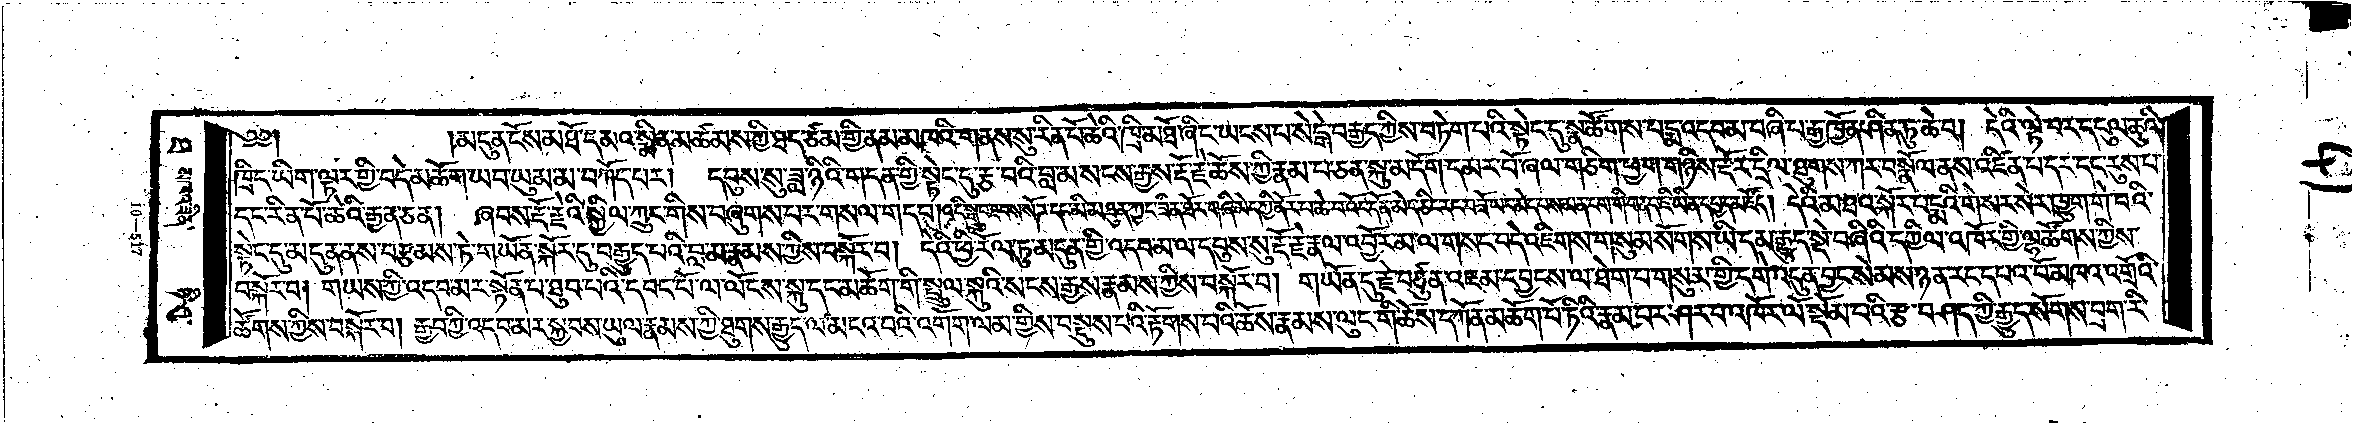༄༅། །མདུན་ངོས་མཐོ་དམའ་སྨིན་མཚམས་ཀྱི་ཐད་ཙམ་གྱི་ནམ་མཁའི་གནས་སུ་རིན་པོ་ཆེའི་ཁྲི་མཐོ་ཞིང་ཡངས་པ་སེངྒེ་བརྒྱད་ཀྱིས་བཏེག་པའི་སྟེང་དུ་སྣ་ཚོགས་པདམ་འདབ་མ་བཞི་བརྒྱ་ཁྱོན་ཤིན་ཏུ་ཆེ་བ། དེའི་ལྟེ་བར་དངུལ་ཆུའི་
ཁྲིང་ཡིག་ལྟར་གྱི་བདེ་མཆོག་ཡབ་ཡུམ་མ་བཀོད་པར། དབུས་སུ་ཟླ་ཉིའི་གདན་གྱི་སྟེང་དུ་རྩ་བའི་བླ་མ་སངས་རྒྱས་རྡོ་རྗེ་ཆོས་ཀྱི་རྣམ་པ་ཅན་སྐུ་མདོག་དམར་པོ་ཞལ་གཅིག་ཕྱག་གཉིས་རྡོར་དྲིལ་ཐུགས་ཀར་བསྣོལ་ནས་འཛིན་པ་དར་དང་རུས་པ་
དང་རིན་པོ་ཆེའི་རྒྱན་ཅན། ཞབས་རྡོ་རྗེའི་སྐྱིལ་ཀྲུང་གིས་བཞུགས་པར་གསལ་བདབ། འདི་སྒྲུབ་ཐབས་སོགས་དང་མི་མཐུན་ཀྱང་ཟིན་ཐོར་གཞི་མེད་ཀྱི་ནོར་བ་ཆེ་བ་འོད་དོན་མེད་ཅིང་རང་བཟོ་ཡང་མེད་པས་མན་ངག་གི་གནད་ཇི་ཡིན་དཔྱད་མཛོད།  དེའི་མཐའ་སྐོར་པདམའི་གེ་སར་སེར་ཁྱུག་གེ་བའི་
སྟེང་དུ་མདུན་ནས་བརྩམས་ཏེ་གཡོན་སྐོར་དུ་བརྒྱུད་པའི་བླ་མ་རྣམས་ཀྱིས་བསྐོར་བ། དེའི་ཕྱིར་རོལ་ཏུ་མདུན་གྱི་འདབ་མ་ལ་དབུས་སུ་རྡོ་རྗེ་རྣལ་འབྱོར་མ་ལ་གསང་བདེ་འཇིགས་གསུམ་སོགས་ཡི་དམ་རྒྱུད་སྡེ་བཞིའི་དཀྱིལ་འཁོར་གྱི་ལྷ་ཚོགས་ཀྱིས་
བསྐོར་བ། གཡས་ཀྱི་འདབ་མར་སྟོན་པ་ཐུབ་པའི་དབང་པོ་ལ་ལོངས་སྐུ་དང་མཆོག་གི་སྤྲུལ་སྐུའི་སངས་རྒྱས་རྣམས་ཀྱིས་བསྐོར་བ། གཡོན་དུ་རྗེ་བཙུན་འཇམ་དབྱངས་ལ་ཐེག་པ་གསུམ་གྱི་དགེ་འདུན་བྱང་སེམས་ཉན་རང་དཔའ་བོ་མཁའ་འགྲོའི་
ཚོགས་ཀྱིས་བསྐོར་བ། །རྒྱབ་ཀྱི་འདབ་མར་སྐྱབས་ཡུལ་རྣམས་ཀྱི་ཐུགས་རྒྱུད་ལ་མངའ་བའི་འགོག་ལམ་གྱིས་བསྡུས་པའི་རྟོགས་པའི་ཆོས་རྣམས་ལུང་གི་ཆོས་དཀོན་མཆོག་པོ་ཏིའི་རྣམ་པར་ཤར་བ་འཁོར་ལོ་སྡོམ་པའི་རྩ་བཤད་ཀྱི་རྒྱུད་སོགས་བྲག་རི་